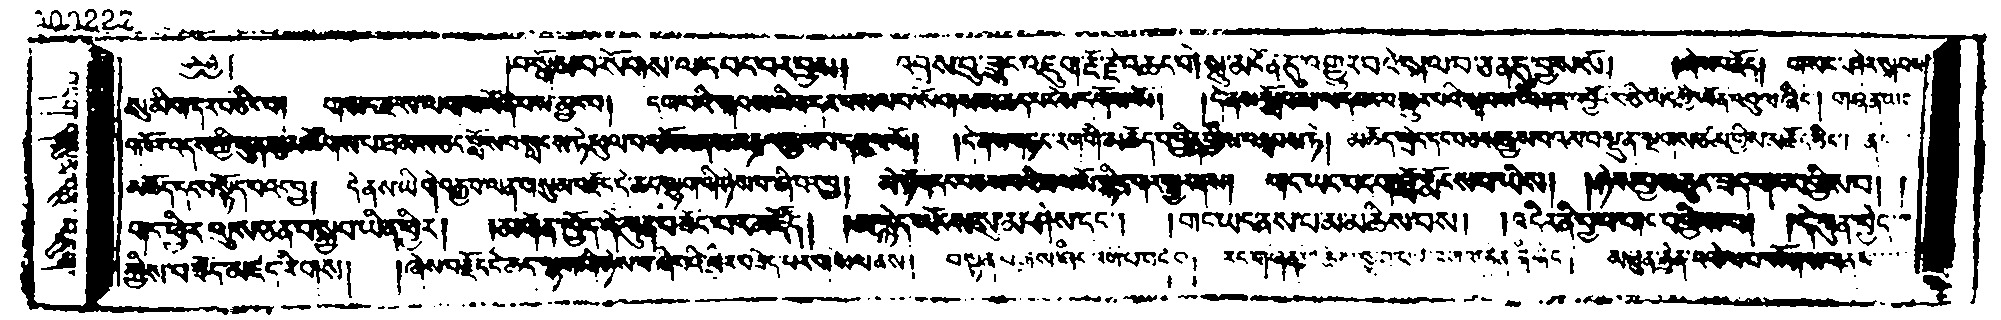༄༅། །བསྒོམ་པ་སོགས་ལ་དབང་བར་བྱས། འབྲས་བུ་ཟུང་འཇུག་རྡོ་རྗེ་འཆང་གི་སྐུ་མངོན་དུ་འགྱུར་བའི་སྐལ་བ་ཅན་དུ་བྱས་སོ། །ཞེས་བརྗོད། གསང་ཤེར་སྐབས་
སུ་མིག་དར་བཅིང་བ། གསང་རྫས་ལག་གཡོན་པས་མྱང་བ། དག་པའི་སྐབས་མིག་དར་བསལ་བ་སོགས་མ་ཆད་པ་ངེས་དགོས་སོ། །དེ་ནས་སློབ་མ་ལ་དབང་བསྐུར་པའི་སྐབས་ཡིན་ན་འབྱོར་བ་ཅི་ཡོད་ཀྱི་ཡོན་འབུལ་ཞིང་། གཞན་ཡང་
འཁོར་འདས་ཀྱི་ཕུན་སུམ་ཚོགས་པ་ཐམས་ཅད་བློས་བསླངས་ཏེ་ཕུལ་བར་མོས་ནས་མཎྜལ་རྒྱས་པ་དབུལ་ལོ། །དེ་ནས་གཏང་རག་གི་མཆོད་པ་བྱིན་གྱིས་བརླབས་ཏེ། མཆོད་ཕྲེང་དང་བཅས་རྒྱས་པའམ་བསྡུ་ན་སྔགས་ཙམ་གྱིས་མཆོད་ཅིང་། ནང་
མཆོད་དང་བསྟོད་པའང་བྱ། དེ་ནས་ཡི་གེ་བརྒྱ་བ་ལན་གསུམ་བརྗོད་དེ་ཆད་ལྷག་གི་ཉེས་པ་ཞི་བར་བྱ། མེ་ཏོག་དང་བཅས་པའི་ཐལ་མོ་སྙིང་གར་སྦྱར་ནས། གང་ཡང་བདག་བློ་རྨོངས་པ་ཡིས། །ཉེས་བྱས་ཅུང་ཟད་གང་བགྱིས་པ། །
གང་ཕྱིར་ལུས་ཅན་བསྐྱབ་ཡིན་ཕྱིར། །མགོན་ཁྱོད་དེ་ཀུན་བཟོད་པར་མཛོད། །མ་རྙེད་ཡོངས་སུ་མ་ཤེས་དང་། །གང་ཡང་ནུས་པ་མ་མཆིས་བས། །འདིར་ནི་བྱ་བ་གང་བགྱིས་པ། །དེ་ཀུན་ཁྱེད་
ཀྱིས་བཟོད་མཛད་རིགས། །ཞེས་བརྗོད་དེ་ཆད་ལྷག་གི་ཉེས་པ་ཞི་བའི་ཕྱིར་བཟོད་པར་གསོལ་ནས། བསྟན་པ་རྒྱས་ཞིང་འགྲོ་བ་བདེ་བ། རང་གཞན་གྱི་ཆོས་སྒྲུབ་པའི་འགལ་རྐྱེན་ཞི་ཞིང་། མཐུན་རྐྱེན་འཕེལ་བ་སོགས་གནས་